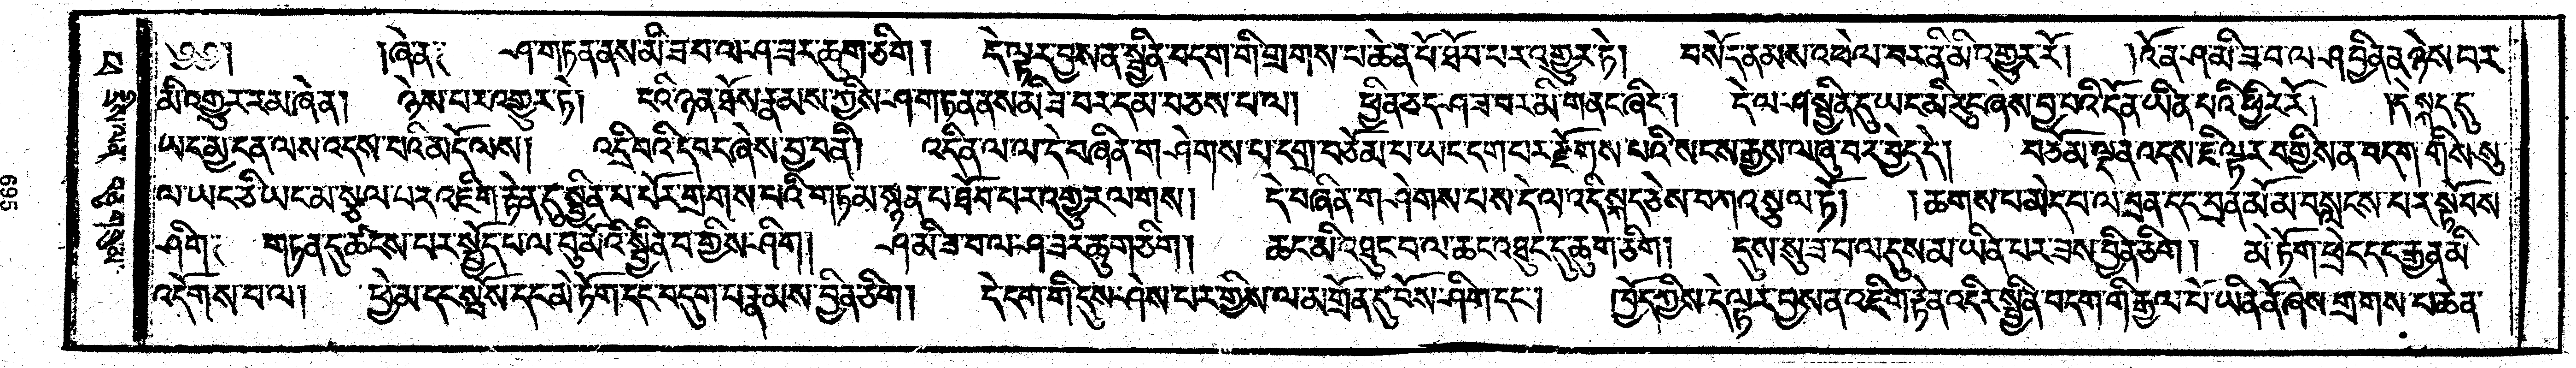༄༅། །ཞེ་ན༑ ཤ་གཏན་ནས་མི་ཟ་བ་ལ་ཤ་ཟར་ཆུག་ཅིག། དེ་ལྟར་བྱས་ན་སྦྱིན་བདག་གི་གྲགས་པ་ཆེན་པོ་ཐོབ་པར་འགྱུར་ཏེ། བསོད་ནམས་འཕེལ་བར་ནི་མི་འགྱུར་རོ། །འོ་ན་ཤ་མི་ཟ་བ་ལ་ཤ་བྱིན་ན་ཉེས་བར་
མི་འགྱུར་རམ་ཞེ་ན། ཉེས་པར་འགྱུར་ཏེ། ངའི་ཉན་ཐོས་རྣམས་ཀྱིས་ཤ་གཏན་ནས་མི་ཟ་བར་དམ་བཅས་པ་ལ། ཕྱིན་ཅད་ཤ་ཟ་བར་མི་གནང་ཞིང་། དེ་ལ་ཤ་སྦྱིན་དུ་ཡང་མི་རུང་ཞེས་བྱ་བའི་དོན་ཡིན་པའི་ཕྱིར་རོ། །དེ་སྐད་དུ་
ཡང་མྱ་ངན་ལས་འདས་པའི་མདོ་ལས། འདྲི་བའི་དབང་ཞེས་བྱ་བ་ནི། འདི་ན་ལ་ལ་དེ་བཞིན་གཤེགས་པ་དགྲ་བཅོམ་པ་ཡང་དག་པར་རྫོགས་པའི་སངས་རྒྱས་ལ་ཞུ་བར་བྱེད་དེ། བཅོམ་ལྡན་འདས་ཇི་ལྟར་བགྱིས་ན་བདག་གིས་སུ་
ལ་ཡང་ཅི་ཡང་མ་སྩལ་པར་འཇིག་རྟེན་དུ་སྦྱིན་པ་པོར་གྲགས་པའི་གཏམ་སྙན་པ་ཐོབ་པར་འགྱུར་ལགས། དེ་བཞིན་གཤེགས་པས་དེ་ལ་འདི་སྐད་ཅེས་བཀའ་སྩལ་ཏོ། །ཆགས་པ་མེད་པ་ལ་བྲན་དང་བྲན་མོ་མ་བསླངས་པར་སྟོབས་
ཤིག༑ གཏན་དུ་ཚངས་པར་སྤྱོད་པ་ལ་བུ་མོའི་སྦྱིན་བ་གྱིས་ཤིག། ཤ་མི་ཟ་བ་ལ་ཤ་ཟར་ཆུ་གཅིག། ཆང་མི་འཐུང་བ་ལ་ཆང་འཐུང་དུ་ཆུག་ཅིག། དུས་སུ་ཟ་བ་ལ་དུས་མ་ཡིན་པར་ཟས་བྱིན་ཅིག། མེ་ཏོག་ཕྲེང་དང་རྒྱན་མི་
འདོགས་པ་ལ། ཕྱེ་མ་དང་སྤོས་དང་མེ་ཏོག་དང་བདུག་པ་རྣམས་བྱིན་ཅིག། དེ་དག་གི་དུས་ཤེས་པར་གྱིས་ལ་མགྲོན་དུ་བོས་ཤིག་དང་། ཁྱོད་ཀྱིས་དེ་ལྟར་བྱས་ན་འཇིག་རྟེན་འདིར་སྦྱིན་བདག་གི་རྒྱལ་པོ་ཡིན་ནོ་ཞེས་གྲགས་པ་ཆེན་